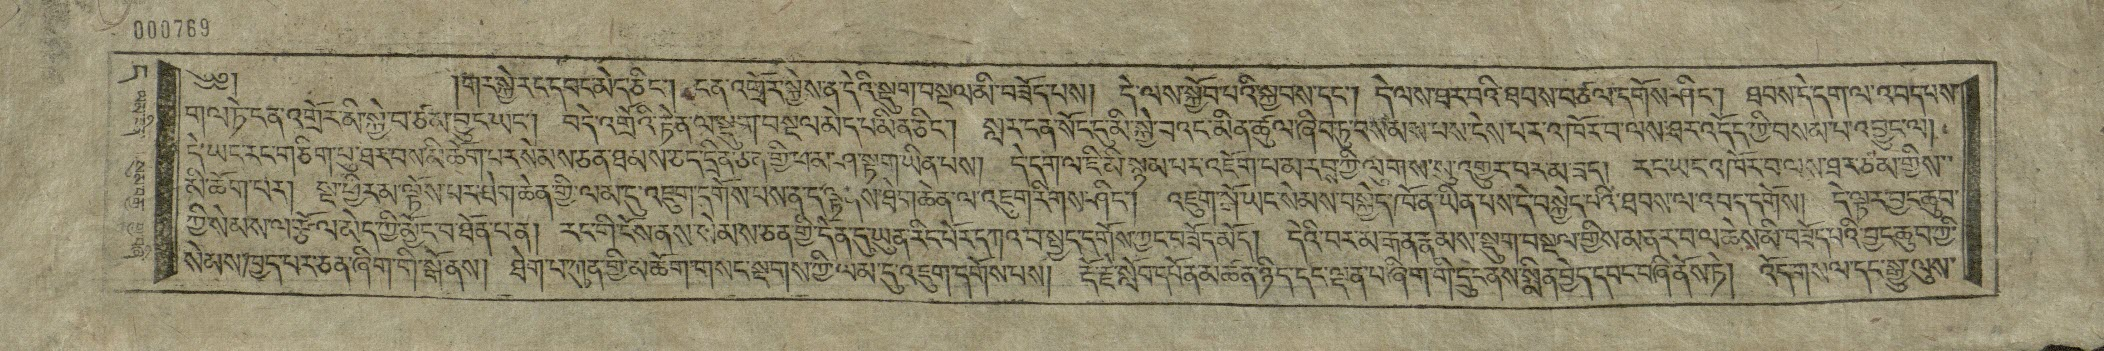༄༅། །གར་སྐྱེ་རང་དབང་མེད་ཅིང་། ངན་འགྲོར་སྐྱེས་ན་དེའི་སྡུག་བསྔལ་མི་བཟོད་པས། དེ་ལས་སྐྱོབ་པའི་སྐྱབས་དང་། དེ་ལས་ཐར་བའི་ཐབས་བཙལ་དགོས་ཤིང་། ཐབས་དེ་དག་ལ་འབད་པས་
གལ་ཏེ་ངན་འགྲོར་མི་སྐྱེ་བ་ཙམ་བྱུང་ཡང་། བདེ་འགྲོའི་རྟེན་ལ་སྡུག་བསྔལ་མེད་པ་མིན་ཅིང་། སླར་ངན་སོང་དུ་མི་སྐྱེ་བའང་མིན་ཚུལ་ཞིབ་ཏུ་བསམས་པས་ངེས་པར་འཁོར་བ་ལས་ཐར་འདོད་ཀྱི་བསམ་པ་འབྱུང་ལ།
དེ་ཡང་རང་གཅིག་པུ་ཐར་བས་མི་ཆོག་པར་སེམས་ཅན་ཐམས་ཅད་དྲིན་ཅན་གྱི་ཕ་མ་ཤ་སྟག་ཡིན་པས། དེ་དག་ལ་ཇི་མི་སྙམ་པར་འཇོག་པ་མ་རབས་ཀྱི་ལུགས་སུ་འགྱུར་བར་མ་ཟད། རང་ཡང་འཁོར་བ་ལས་ཐར་ཙམ་གྱིས་
མི་ཆོག་པར། སྔ་ཕྱིར་མ་ལྟོས་པར་ཐེག་ཆེན་གྱི་ལམ་དུ་འཇུག་དགོས་པས་ན་ད་ལྟ་ནས་ཐེག་ཆེན་ལ་འཇུག་རིགས་ཤིང་། འཇུག་སྒོ་ཡང་སེམས་བསྐྱེད་ཁོ་ན་ཡིན་པས་དེ་བསྐྱེད་པའི་ཐབས་ལ་འབད་དགོས། དེ་ལྟར་བྱང་ཆུབ་
ཀྱི་སེམས་ལ་རྩོལ་མེད་ཀྱི་མྱོང་བ་ཐོན་པ་ན། རང་གི་ངོས་ནས་སེམས་ཅན་གྱི་དོན་དུ་ཡུན་རིང་པོར་དཀའ་བ་སྤྱད་དགོས་ཀྱང་བཟོད་མོད། དེའི་བར་མ་རྒན་རྣམས་སྡུག་བསྔལ་གྱིས་མནར་བ་ལ་ཆེས་མི་བཟོད་པའི་བྱང་ཆུབ་ཀྱི་
སེམས་ཁྱད་པར་ཅན་ཞིག་གི་སྒོ་ནས། ཐེག་པ་ཀུན་གྱི་མཆོག་གསང་སྔགས་ཀྱི་ལམ་དུ་འཇུག་དགོས་པས། རྡོ་རྗེ་སློབ་དཔོན་མཚན་ཉིད་དང་ལྡན་པ་ཞིག་གི་དྲུང་ནས་སྨིན་བྱེད་དབང་བཞི་ནོས་ཏེ། འོད་གསལ་དང་སྒྱུ་ལུས་